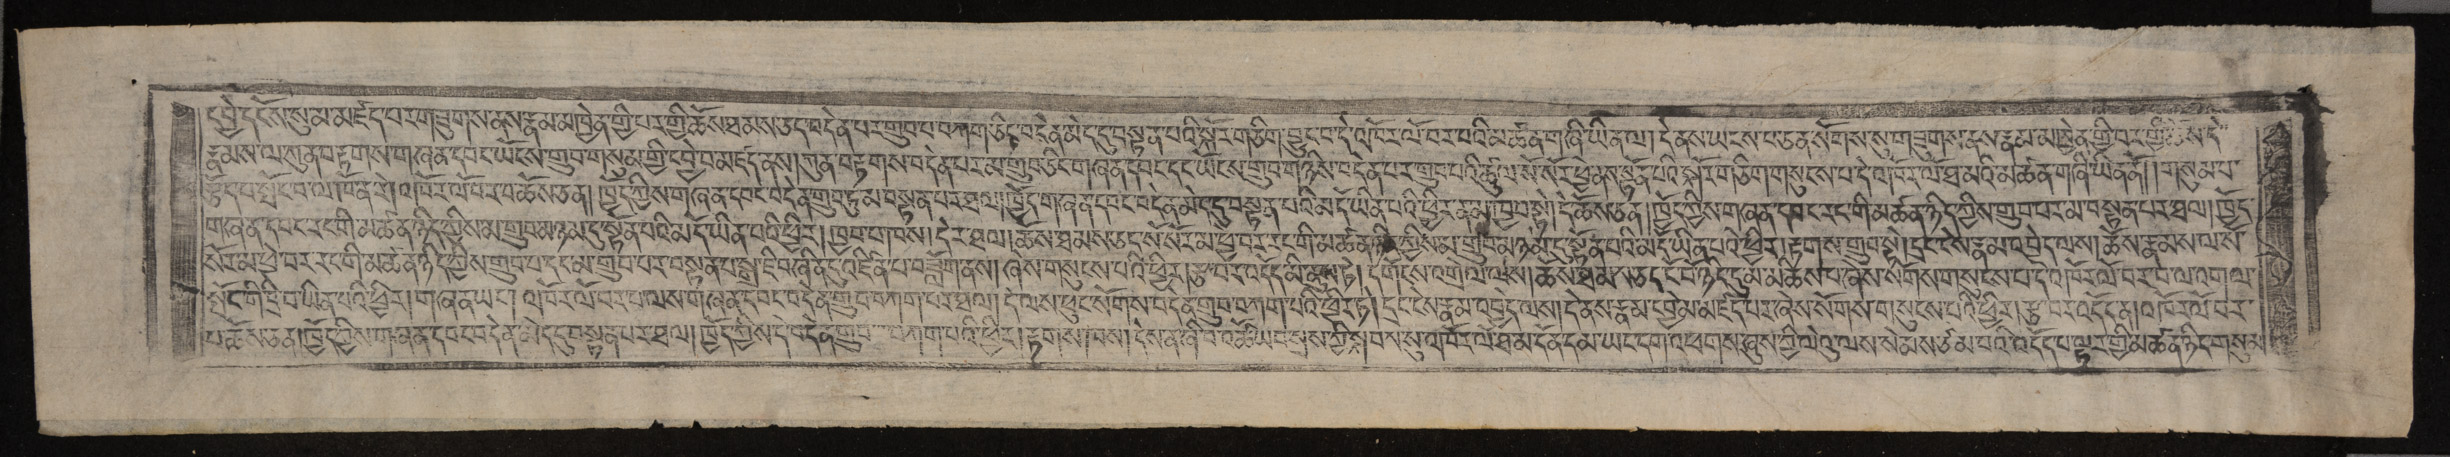དབྱེ་དངོས་སུ་མ་མཛད་པར་གཟུགས་ནས་རྣམ་མཁྱེན་གྱི་བར་གྱི་ཆོས་ཐམས་ཅད་བདེན་པར་གྲུབ་པ་བཀག་ཅིང་བདེན་མེད་དུ་བསྟན་པའི་སྐོར་གཅིག་བྱུང་བ་དེ་འཁོར་ལོ་བར་པའི་མཚན་གཞི་ཡིན་ལ། དེ་ནས་ཡངས་པ་ཅན་སོགས་སུ་གཟུགས་ནས་རྣམ་མཁྱེན་གྱི་བར་གྱི་ཆོས་དེ་
རྣམས་ལ་ཀུན་བརྟགས་གཞན་དབང་ཡོངས་གྲུབ་གསུམ་གྱི་དབྱེ་བ་མཛད་ནས། ཀུན་བརྟགས་བདེན་པར་མ་གྲུབ་ཅིང་གཞན་དབང་དང་ཡོངས་གྲུབ་གཉིས་བདེན་པར་གྲུབ་པའི་ཚུལ་སོ་སོར་ཕྱེ་ནས་སྟོན་པའི་སྐོར་གཅིག་གསུངས་པ་དེ་འཁོར་ལོ་ཐ་མའི་མཚན་གཞི་ཡིན་ནོ། །གསུམ་པ་
རྩོད་པ་སྤོང་བ་ལ་ཁོ་ན་རེ། འཁོར་ལོ་བར་པ་ཆོས་ཅན། ཁྱོད་ཀྱིས་གཞན་དབང་བདེན་གྲུབ་ཏུ་མ་བསྟན་པར་ཐལ། ཁྱོད་གཞན་དབང་བདེན་མེད་དུ་བསྟན་པའི་མདོ་ཡིན་པའི་ཕྱིར་ན་མ་ཁྱབ་སྟེ། དེ་ཆོས་ཅན། ཁྱོད་ཀྱིས་གཞན་དབང་རང་གི་མཚན་ཉིད་ཀྱིས་གྲུབ་པར་མ་བསྟན་པར་ཐལ། ཁྱོད་
གཞན་དབང་རང་གི་མཚན་ཉིད་ཀྱིས་མ་གྲུབ་མཉམ་དུ་སྟོན་པའི་མདོ་ཡིན་པའི་ཕྱིར། ཁྱབ་པ་ཁས། དེར་ཐལ། ཆོས་ཐམས་ཅད་སོ་སོར་མ་ཕྱེ་བར་རང་གི་མཚན་ཉིད་ཀྱིས་མ་གྲུབ་མཉམ་དུ་སྟོན་པའི་མདོ་ཡིན་པའི་ཕྱིར། རྟགས་གྲུབ་སྟེ། དྲང་ངེས་རྣམ་འབྱེད་ལས། ཆོས་རྣམས་ལ་སོ་
སོར་མ་ཕྱེ་བར་རང་གི་མཚན་ཉིད་ཀྱིས་གྲུབ་པ་དང་མ་གྲུབ་པར་བསྟན་པ་སྒྲ་ཇི་བཞིན་དུ་འཛིན་པ་བཟློག་ནས། ཞེས་གསུངས་པའི་ཕྱིར། རྩ་བར་འདོད་མི་ནུས་ཏེ། དགོངས་འགྲེལ་ལས། ཆོས་ཐམས་ཅད་ངོ་བོ་ཉིད་དུ་མ་མཆིས་པ་ཞེས་སོགས་གསུངས་པ་དེ་འཁོར་ལོ་བར་བ་ལ་འགལ་
སྤོང་གི་དྲི་བ་ཡིན་པའི་ཕྱིར། གཞན་ཡང་། འཁོར་ལོ་བར་པ་ལས་གཞན་དབང་བདེན་གྲུབ་བཀག་པར་ཐལ། དེ་ལས་ཕུང་སོགས་བདེན་གྲུབ་བཀག་པའི་ཕྱིར་ཏེ། དྲང་ངེས་རྣམ་འབྱེད་ལས། དེ་ནས་རྣམ་དབྱེ་མ་མཛད་པར་ཞེས་སོགས་གསུངས་པའི་ཕྱིར། རྩ་བར་འདོད་ན། འཁོར་ལོ་བར་
པ་ཆོས་ཅན། ཁྱོད་ཀྱིས་གཞན་དབང་བདེན་མེད་དུ་བསྟན་པར་ཐལ། ཁྱོད་ཀྱིས་དེ་བདེན་གྲུབ་བཀག་པའི་ཕྱིར། རྟགས་ཁས། དེས་ན་ཞི་བ་འཚོ་ཡབ་སྲས་ཀྱི་སྐབས་སུ་འཁོར་ལོ་ཐ་མ་དོན་དམ་ཡང་དག་འཕགས་ཞུས་ཀྱི་ལེའུ་ལས་སེམས་ཙམ་པའི་འདོད་པ་ལྟར་གྱི་མཚན་ཉིད་གསུམ་